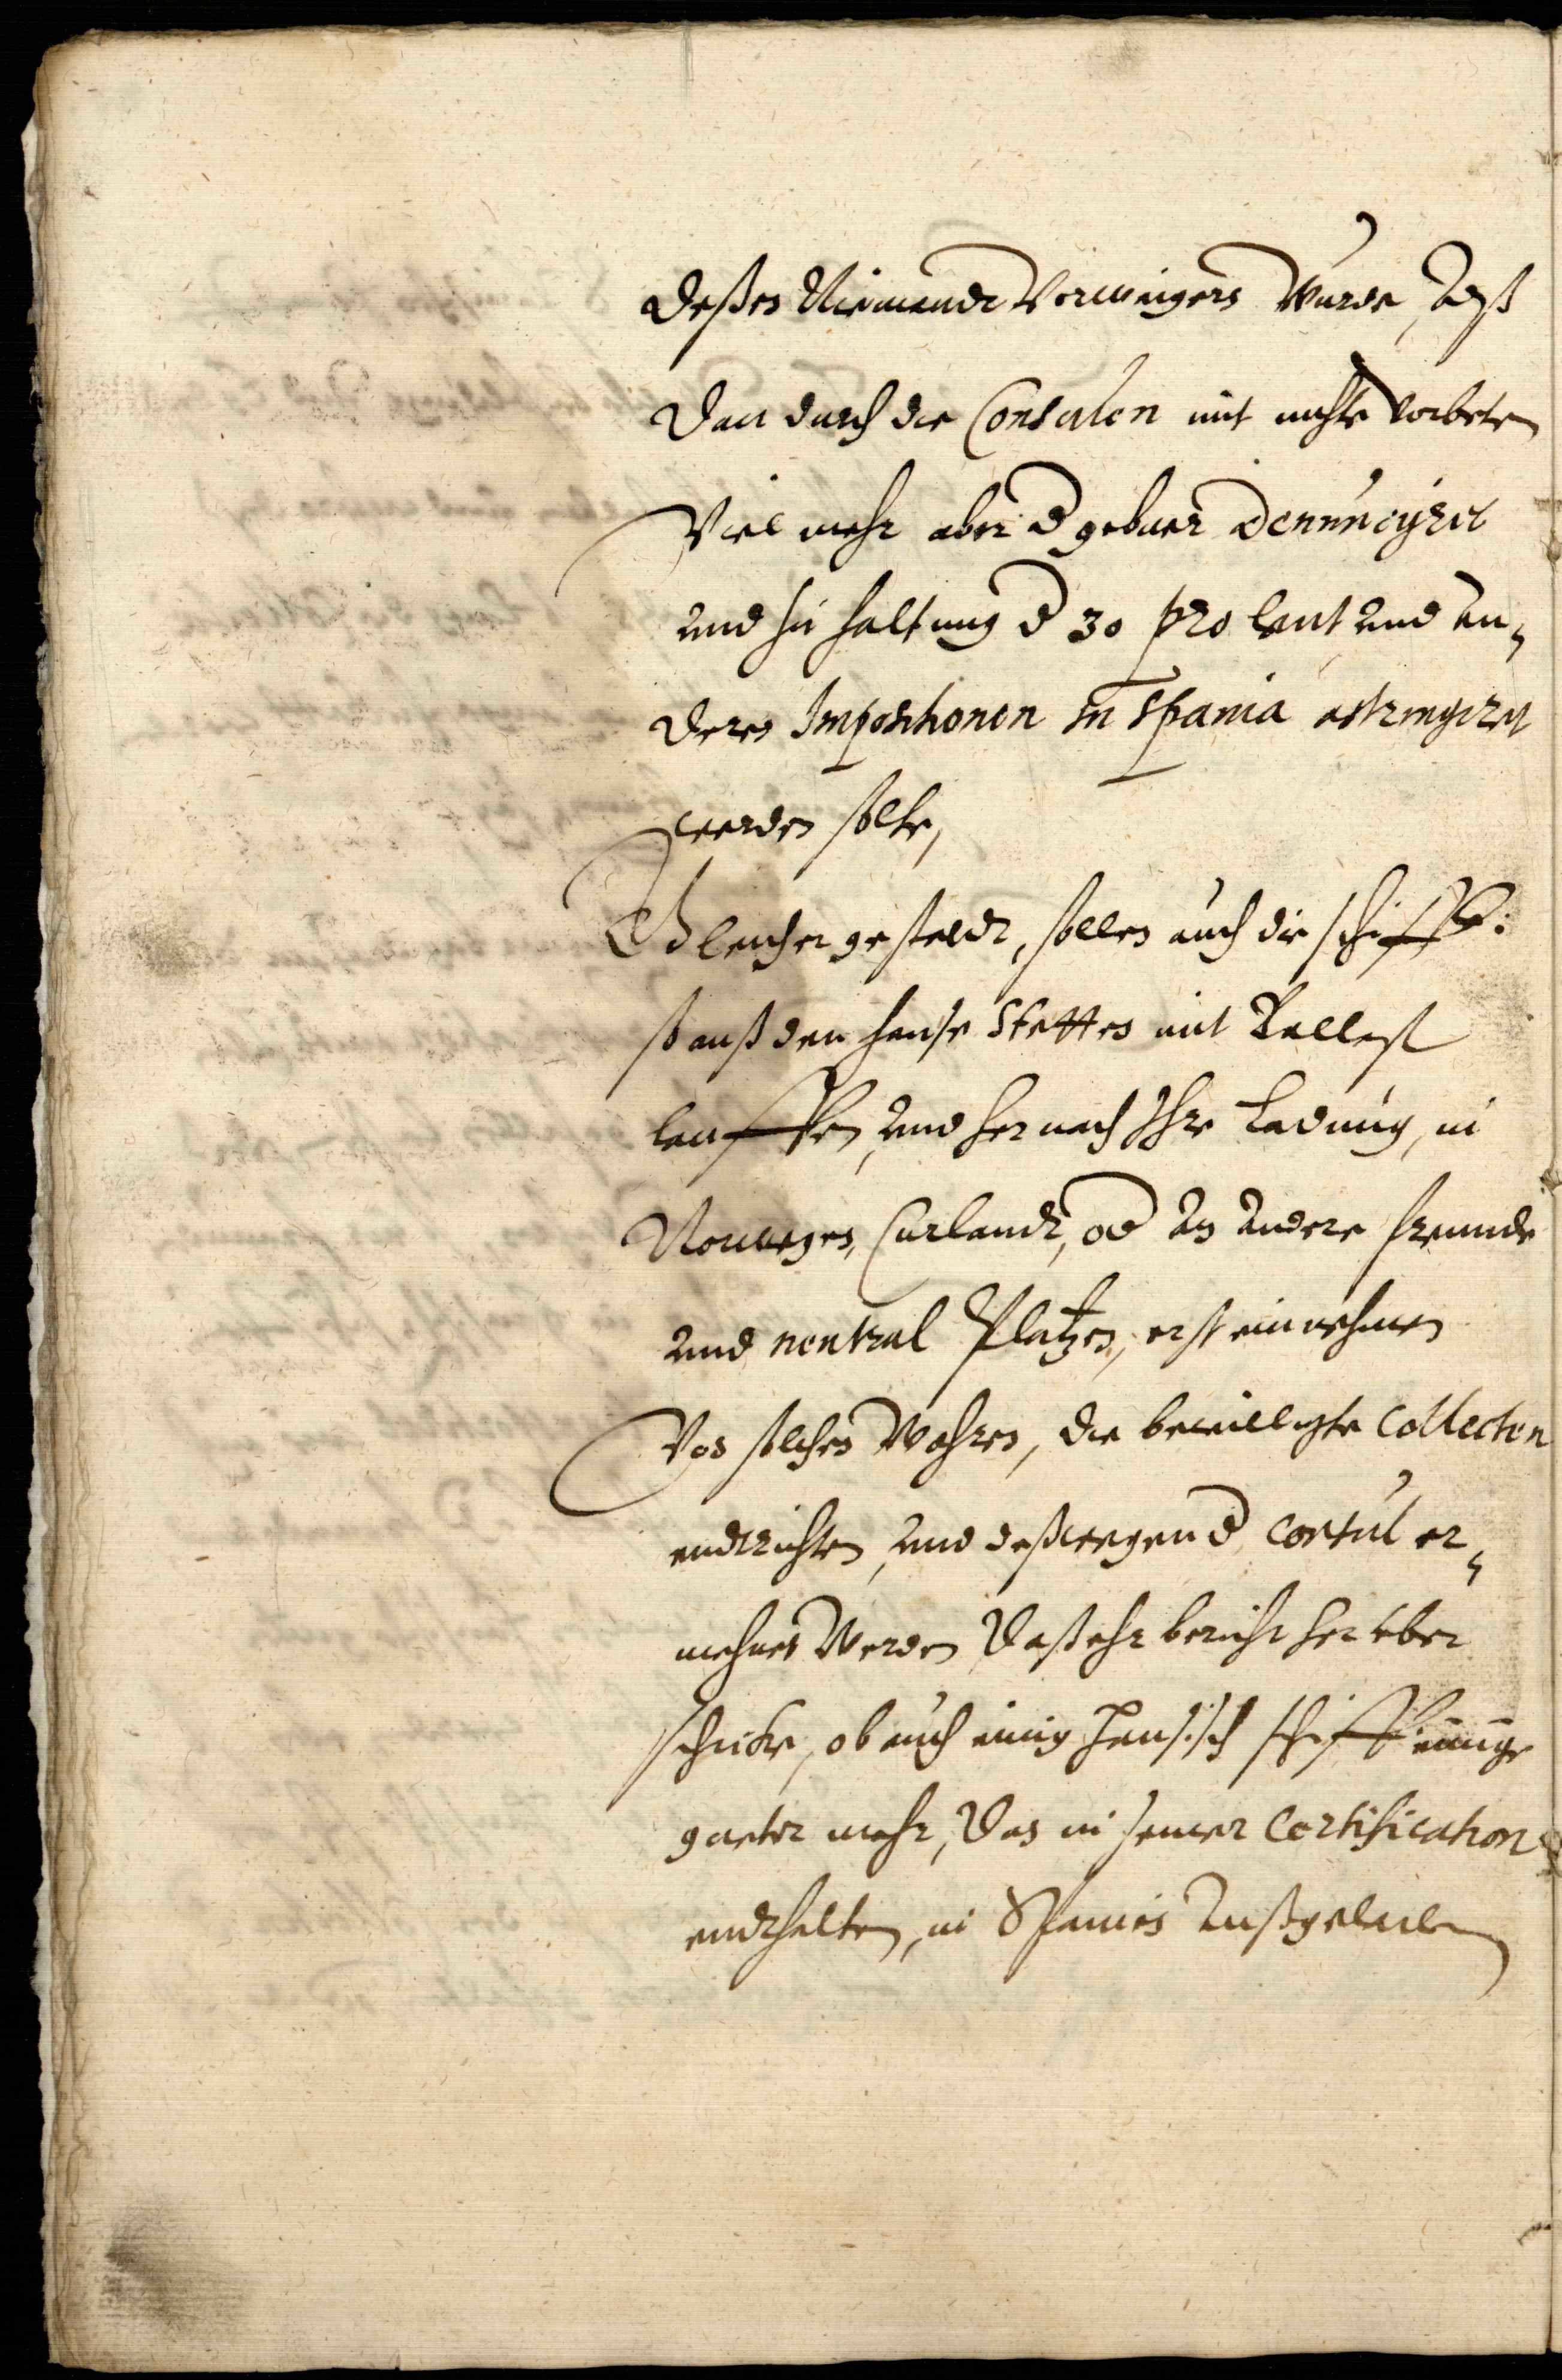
deßen Niemandt verweigern wurde, Alß
dan durch die Consalen mit nichte vorbeten
vielmehr aber der gebuer Denuncijret
vnd zu haltung der 30 pro hant vnd An¬
deren Impositionen in Spania er?????ret
werden solle,
Welcher gesteldt, sollen auch die schiffe
so auß den hanse Stetten mit Ballast
lauffen, vnd hernach Ihre Ladung , in
Norwegen, Curlandt, oder An Andrer fremde
vnd neutral Platzen, erst einnehmen
von solchen wahren, die bewilligte collecten
endtrichten, vnd deßwegen oder contul er¬
wehnet werden, daß ehr bericht hervber
schicke, ob auch einig hansisch schiff einige
gueter mehr, dan in seiner certification
endthalten, in Spanien Außgeladen
